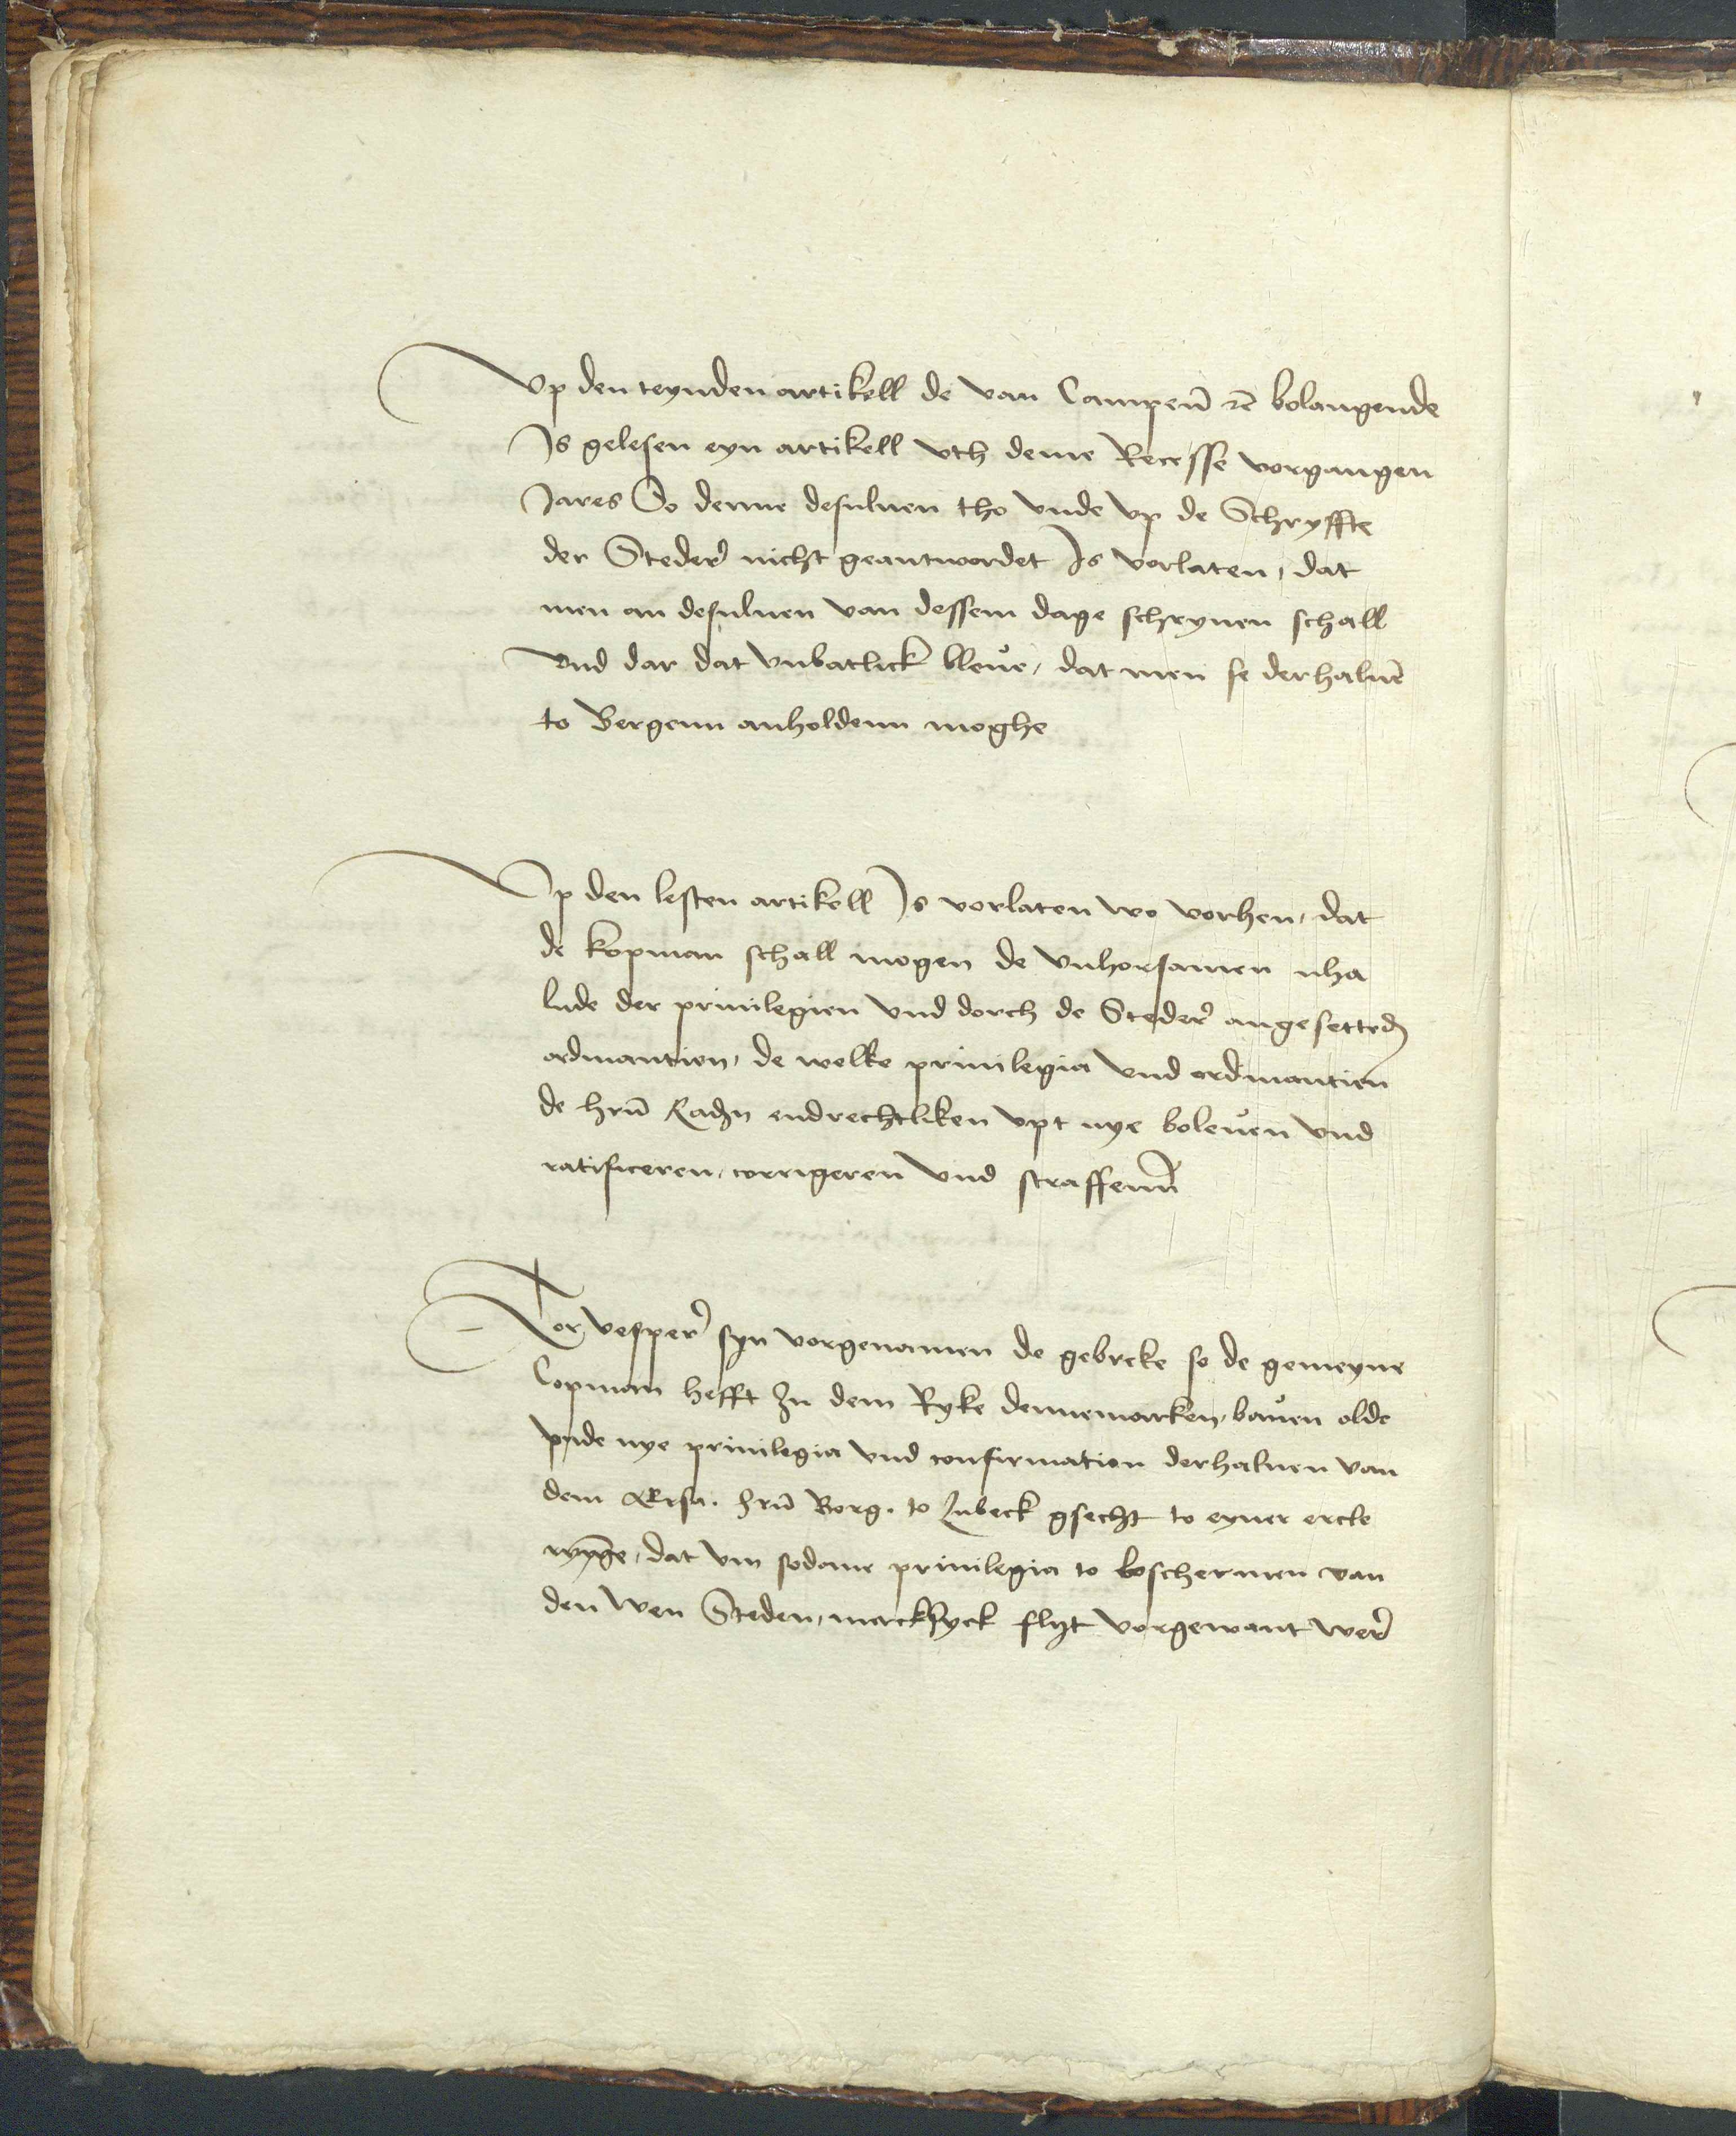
Vp den teynden artikell de van Campenn etc bolangende
Js gelesen eyn artikell uth deme Recesse vorgangen
Jares So denne desuluen tho vnde vp de Schryffte
der Steder nicht geantwordet Js vorlaten, dat
men an desuluen van dessem dage schryuen schall
vnd dar dat vnbotlick bleue, dat men se derhaluen
to Bergenn anholdenn moghe
Vp den lesten artikell Js vorlaten wo vorhen, dat
de kopman schall mogen de vnhorsamen nha
lude der priuilegien vnd dorch de Steder angesetteden
ordinantien, de welke priuilegia vnd ordinantien
de hern Radessendebaden endrechtliken vpt nye boleuen vnd
ratificeren, corrigeren vnd straffenn
Tor vesper syn vorgenamen de gebreke so de gemeyne
Copman hefft In dem Ryke dennemarken, bauen olde
vnde nye priuilegia vnd confirmation derhaluen van
dem Ersm. hern Borg. to Lubeck gsecht to eyner ercle¬
rynge, dat vm sodane priuilegia to boschermen van
den wen Steden, mercklyck flyt vorgewant were
